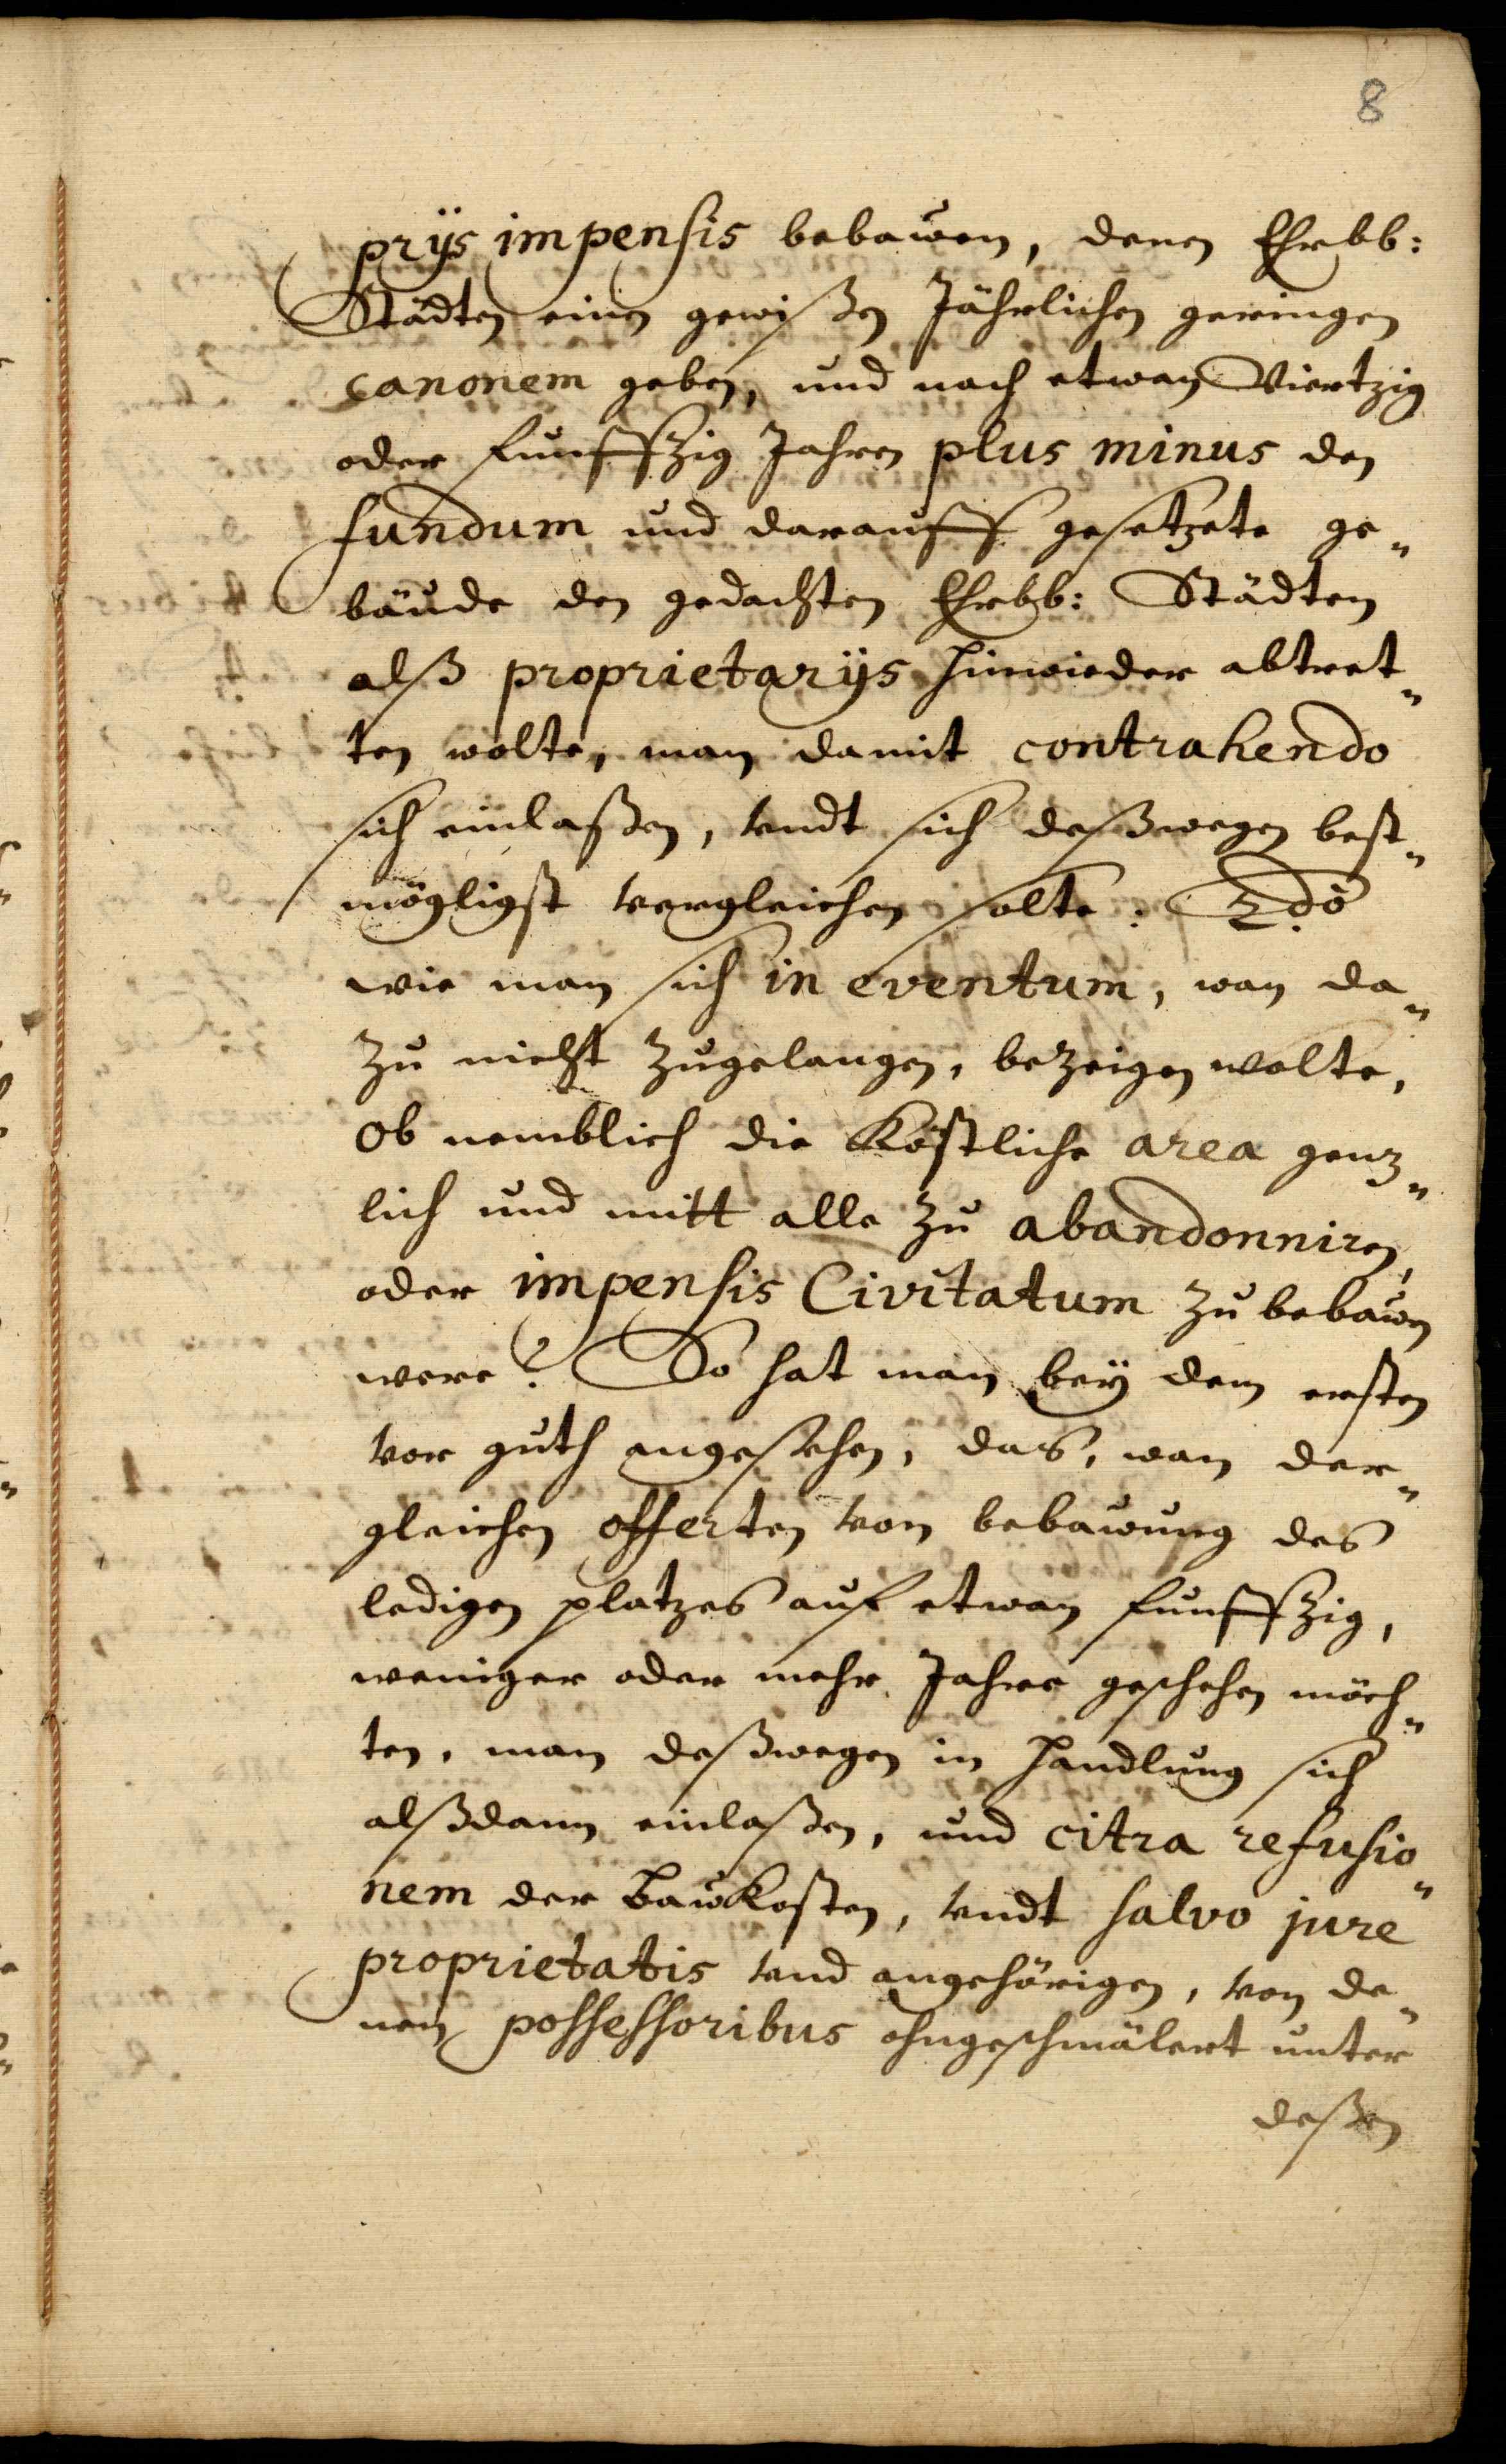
prijs impensis bebawen, denen Ehrbb:
Städten einen gewißen Jährlichen geringen
canonem geben, und nach etwan Viertzig
oder funffzig Jahren plus minus den
fundum und darauff gesetzete ge¬
bäude den gedachten Ehrbb: Städten
alß proprietarijs hinwieder abtret¬
ten wolte, man damit contrahendo
sich einlaßen, vndt sich deßwegen best¬
mögligst vergleichen solte: 2.do
wie man sich in eventum, wan da¬
zu nicht zugelangen, bezeigen wolte,
ob nemblich die Köstliche area genz¬
lich und mitt alle zu abandonniren,
oder impensis Civitatum zu bebawen
were? So hat man beij dem ersten
vor guth angesehen, das, wan der¬
gleichen offerten von bebawung des
ledigen platzes auf etwan funffzig,
weniger oder mehr Jahre geschehen möch¬
ten, man deßwegen in Handlung sich
alßdann einlaßen, und citra refusio¬
nem der Bawkosten, vndt salvo jure
proprietatis vnd angehörigen, von de¬
nen possessoribus ohngeschmälert unter
deßen
